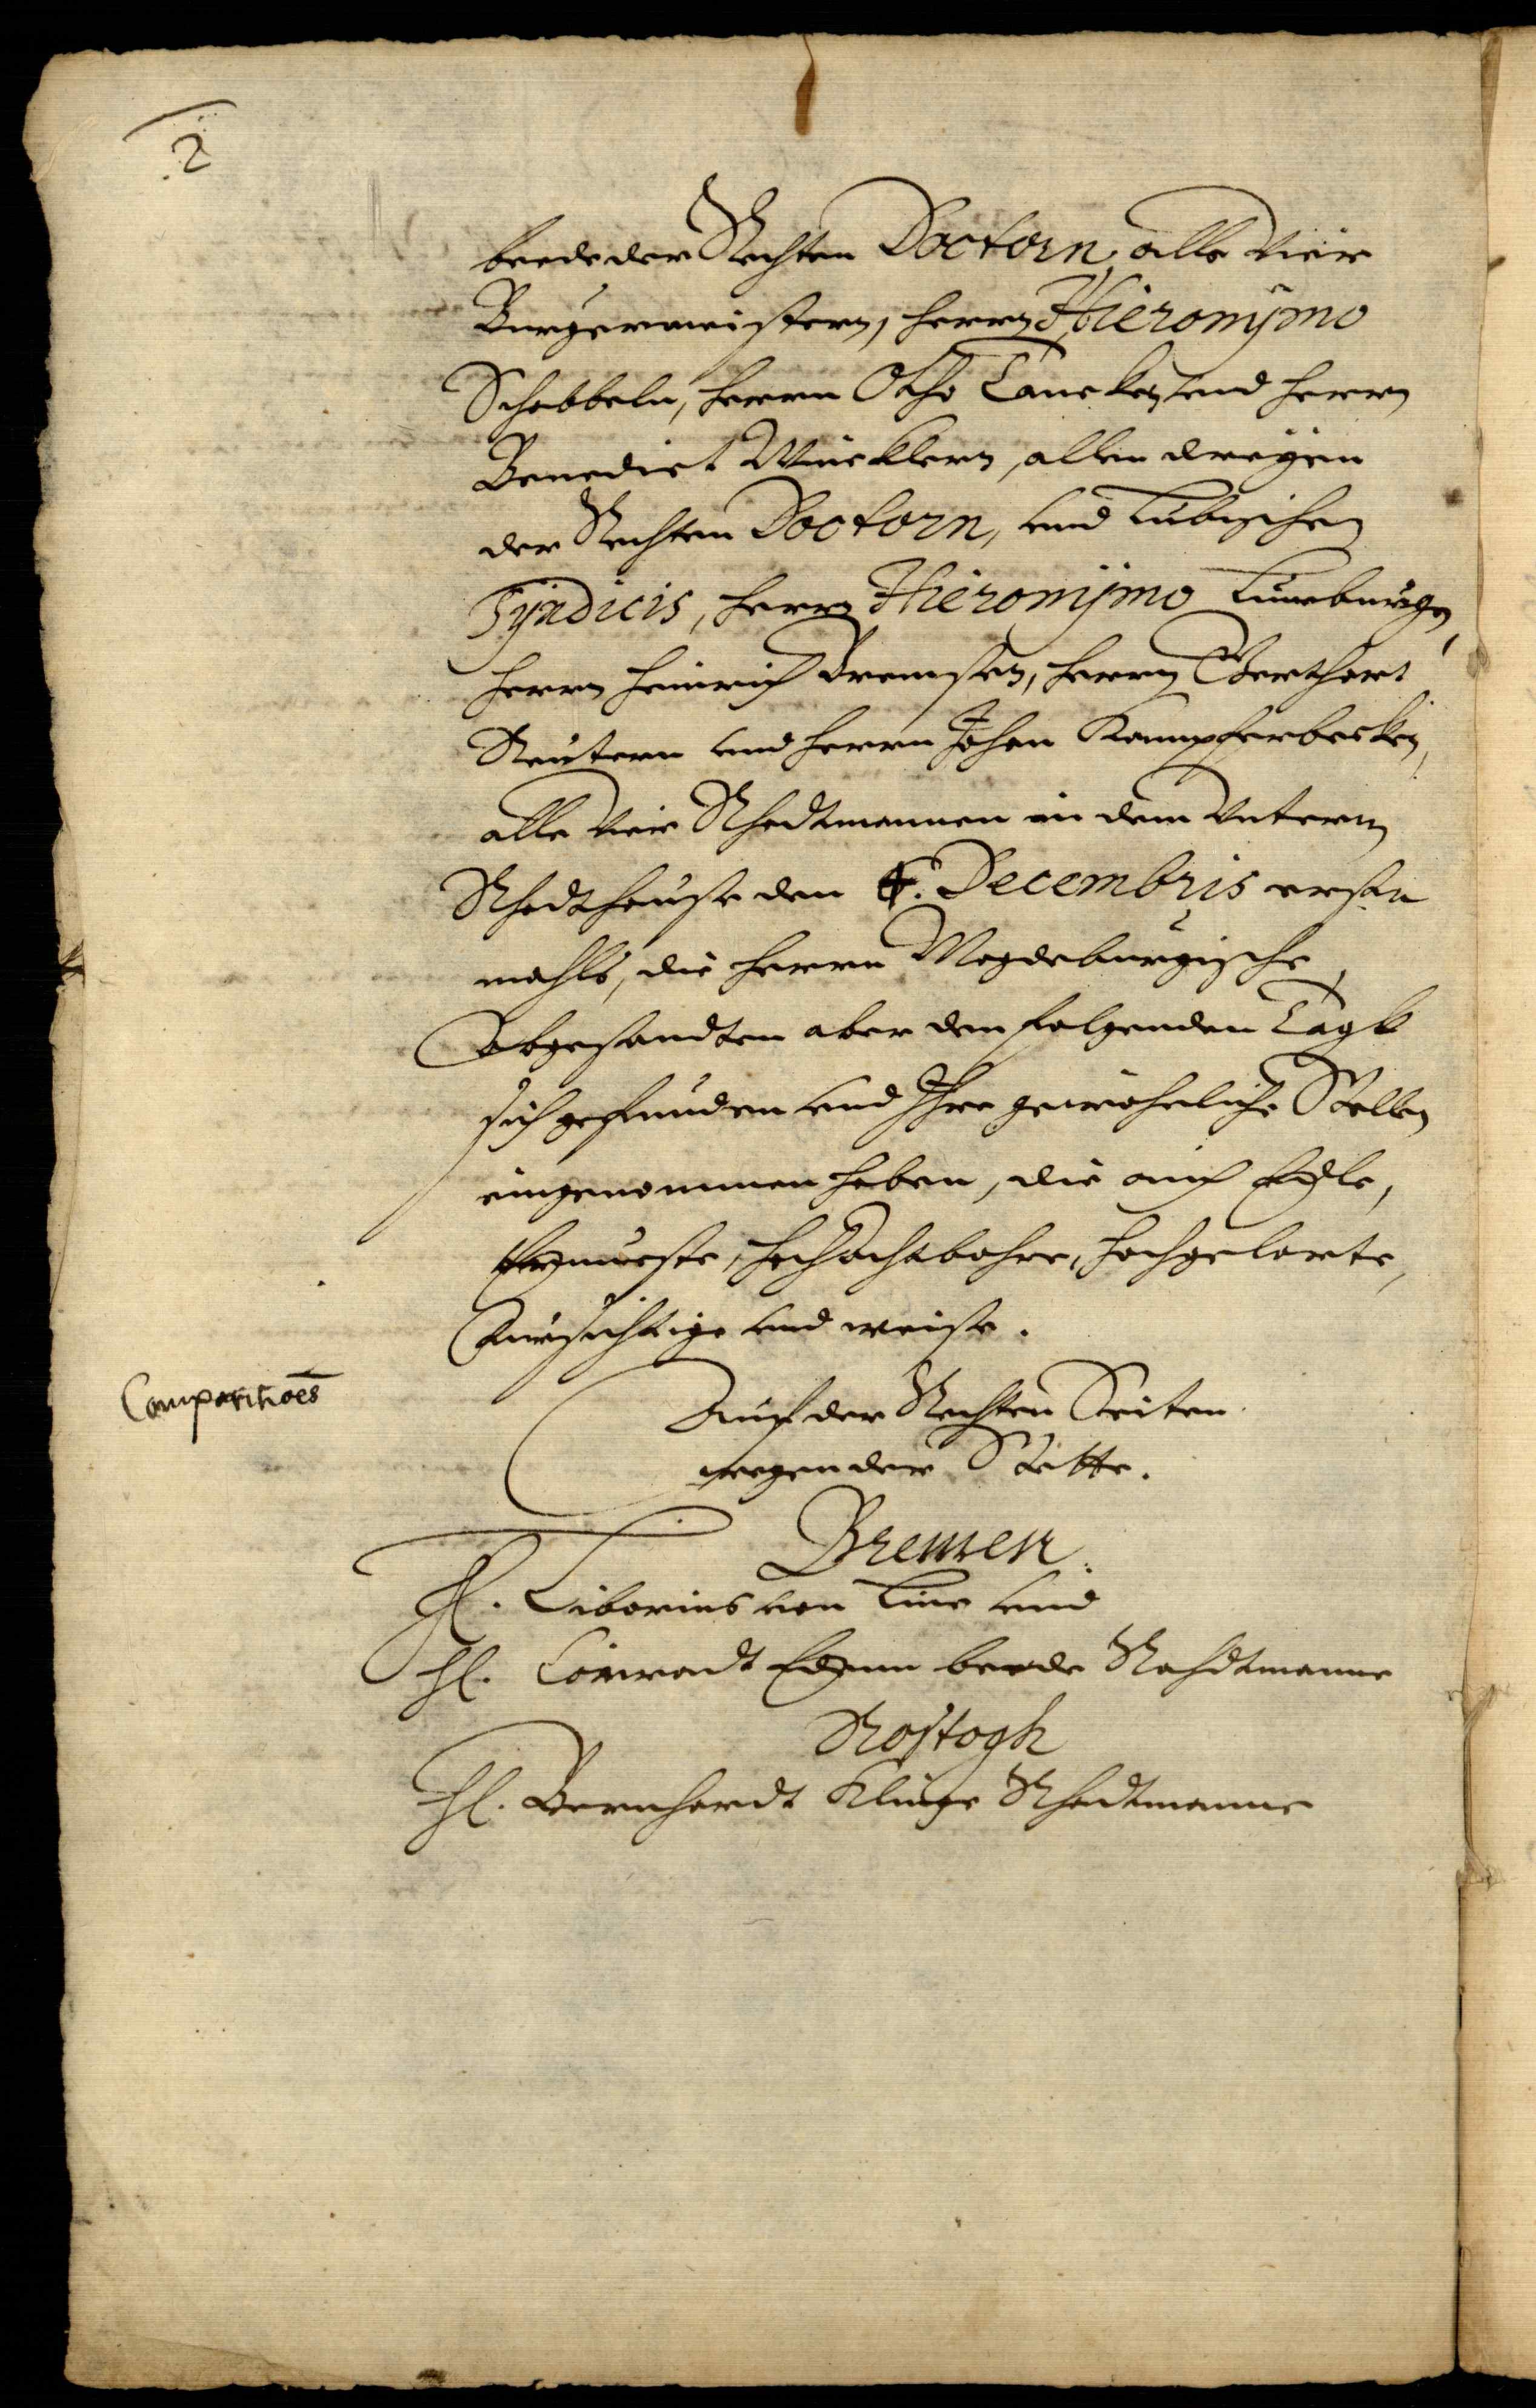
2
Comparitioes
beede der Rechten Doctorn alle Vier
Burgermeistern, herrn Hieronijmo
Schobbeln, herrn Otho Tancken vnd herrn
Benedict Wincklern, allen dreijen
der Rechten Doctorn, vnd Lubischen
Sijndicis, herrn Hieronijmo Luneburgen,
herrn heinrich Bremsen, Herrn Gerthart
Reutern vnd herrn Iohan Kampferbecken,
alle Vier Rhedtmannen in dem Vnterm
Rhadthause den 4. Decembris ersten
mahls, die herrn Magdeburgische,
Abgesandten aber den folgenden Tagk
sich gefunden vnd Ihre gewöhnliche Stellen
eingenommen haben, die auch Edle,
Erenveste, hochachtbahre, hochgelarte,
Fursichtige vnd weise.
Auf der Rechten Seiten
wegen der Stette
Bremen.
H. Liborius von Line vnd
H. Coinradt Edenn beede Rahdtmanne
Rostogk
H. Bernhardt Klinge Rhedtmanne
